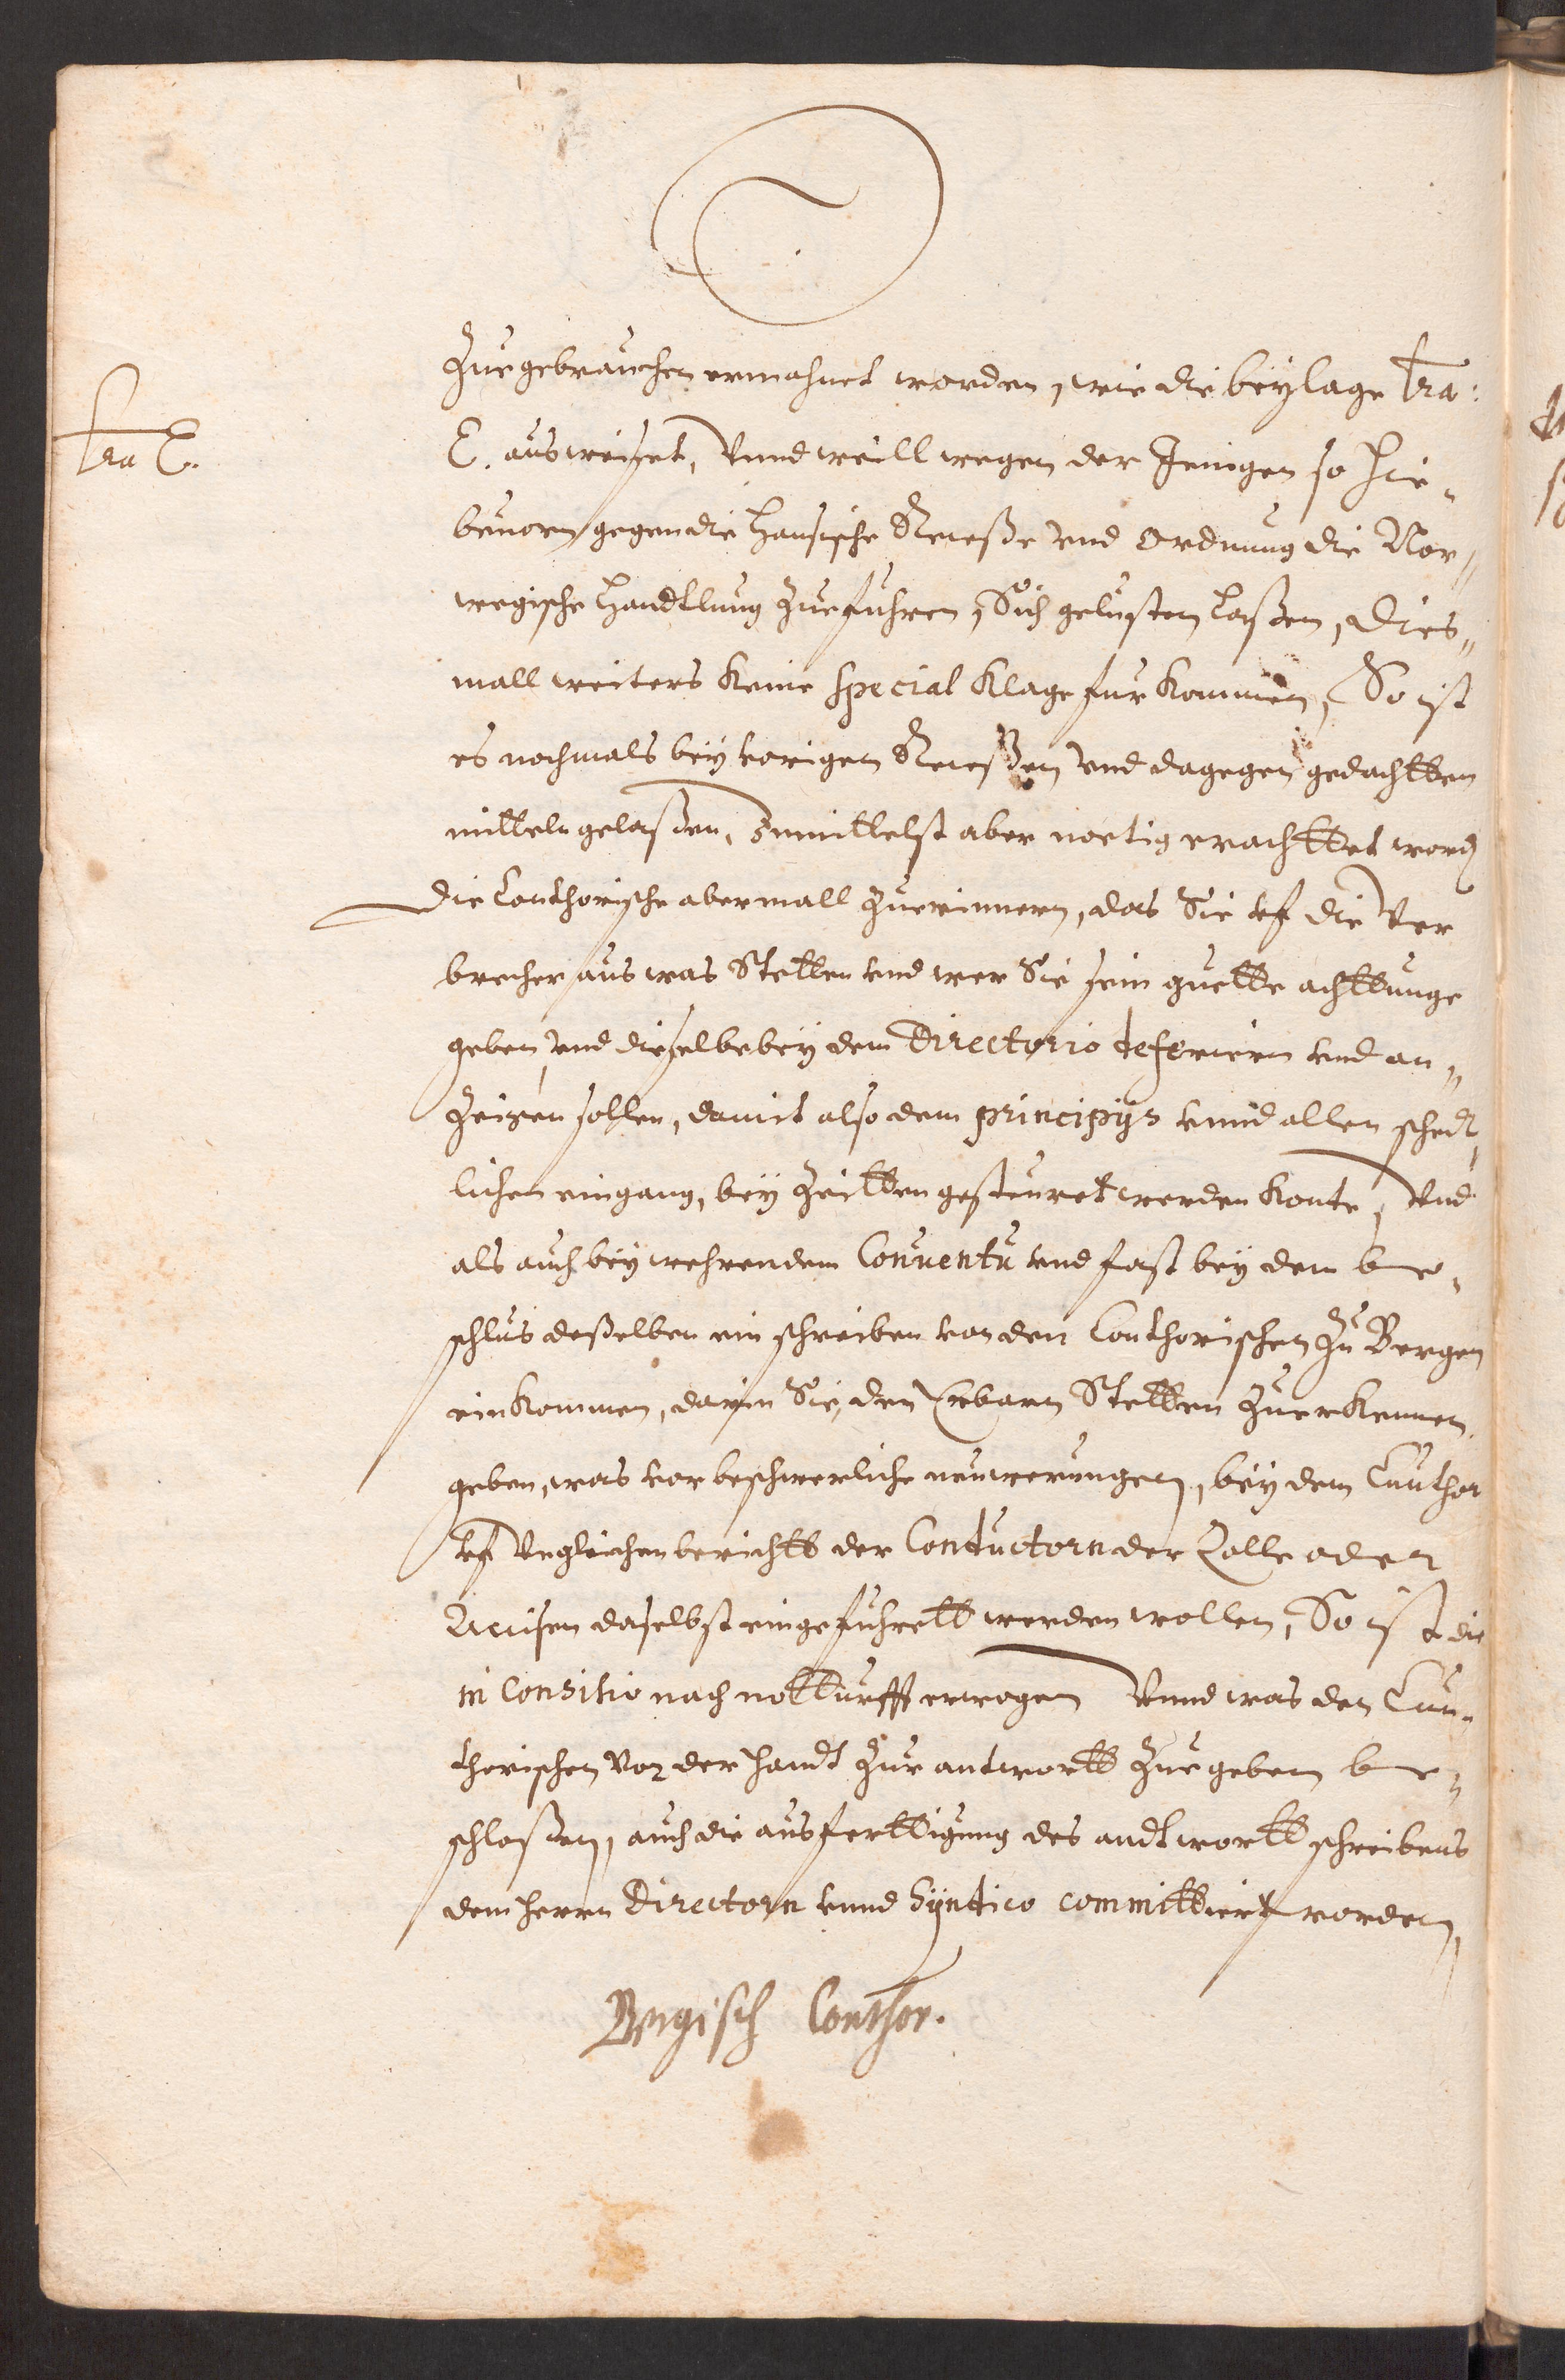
Littera E.
zue gebrauchen ermahnet worden, wie die beijlage littera
E. ausweiset, Vnnd weill wegen der Jenigen so hie¬
beuorn gegen die Hansische Receße vnd Ordnung die Nor¬
wegische Handtlung zuefuhren, Sich gelusten Laßen, dies¬
mall weiters keine special Klage furkommen, So ist
es nochmals beij vorigen Receßen vnd dagegen gedachtten
mitteln gelaßen, Inmittelst aber noetig erachttet worden
die Conthorische abermall zuerinnern, das Sie vf die Ver
brecher aus was Stetten vnd wer Sie sein guette achttunge
geben vnd dieselbe beij dem Directorio deferiern vnd an¬
zeigen sollen, damit also dem principijs vnnd allen schedt¬
lichen eingang, beij zeitten gesteuret werden konte, Vnd
als auch beij wehrendem Conuentu vnd fast beij dem be¬
schlus deßelben ein schreiben von den Conthorischen Zu Bergen
einkommen, darin Sie den Erbarn Stetten zuerkennen
geben, was vor beschwerliche neuwerungen, beij dem Cunthor
vf Vngleichen berichtt der Conductorn der Zolle oder
Accisen daselbst eingefuhrett werden wollen, So ist die
in Consilio nach notturfft erwogen Vnnd was den Cun¬
thorischen vor der handt zue antwortt zue geben be¬
schloßen, auch die ausferttigung des andtwortt schreibens
dem herrn Directorn vnnd Sijndico committiert worden,
Bergisch Conthor.
